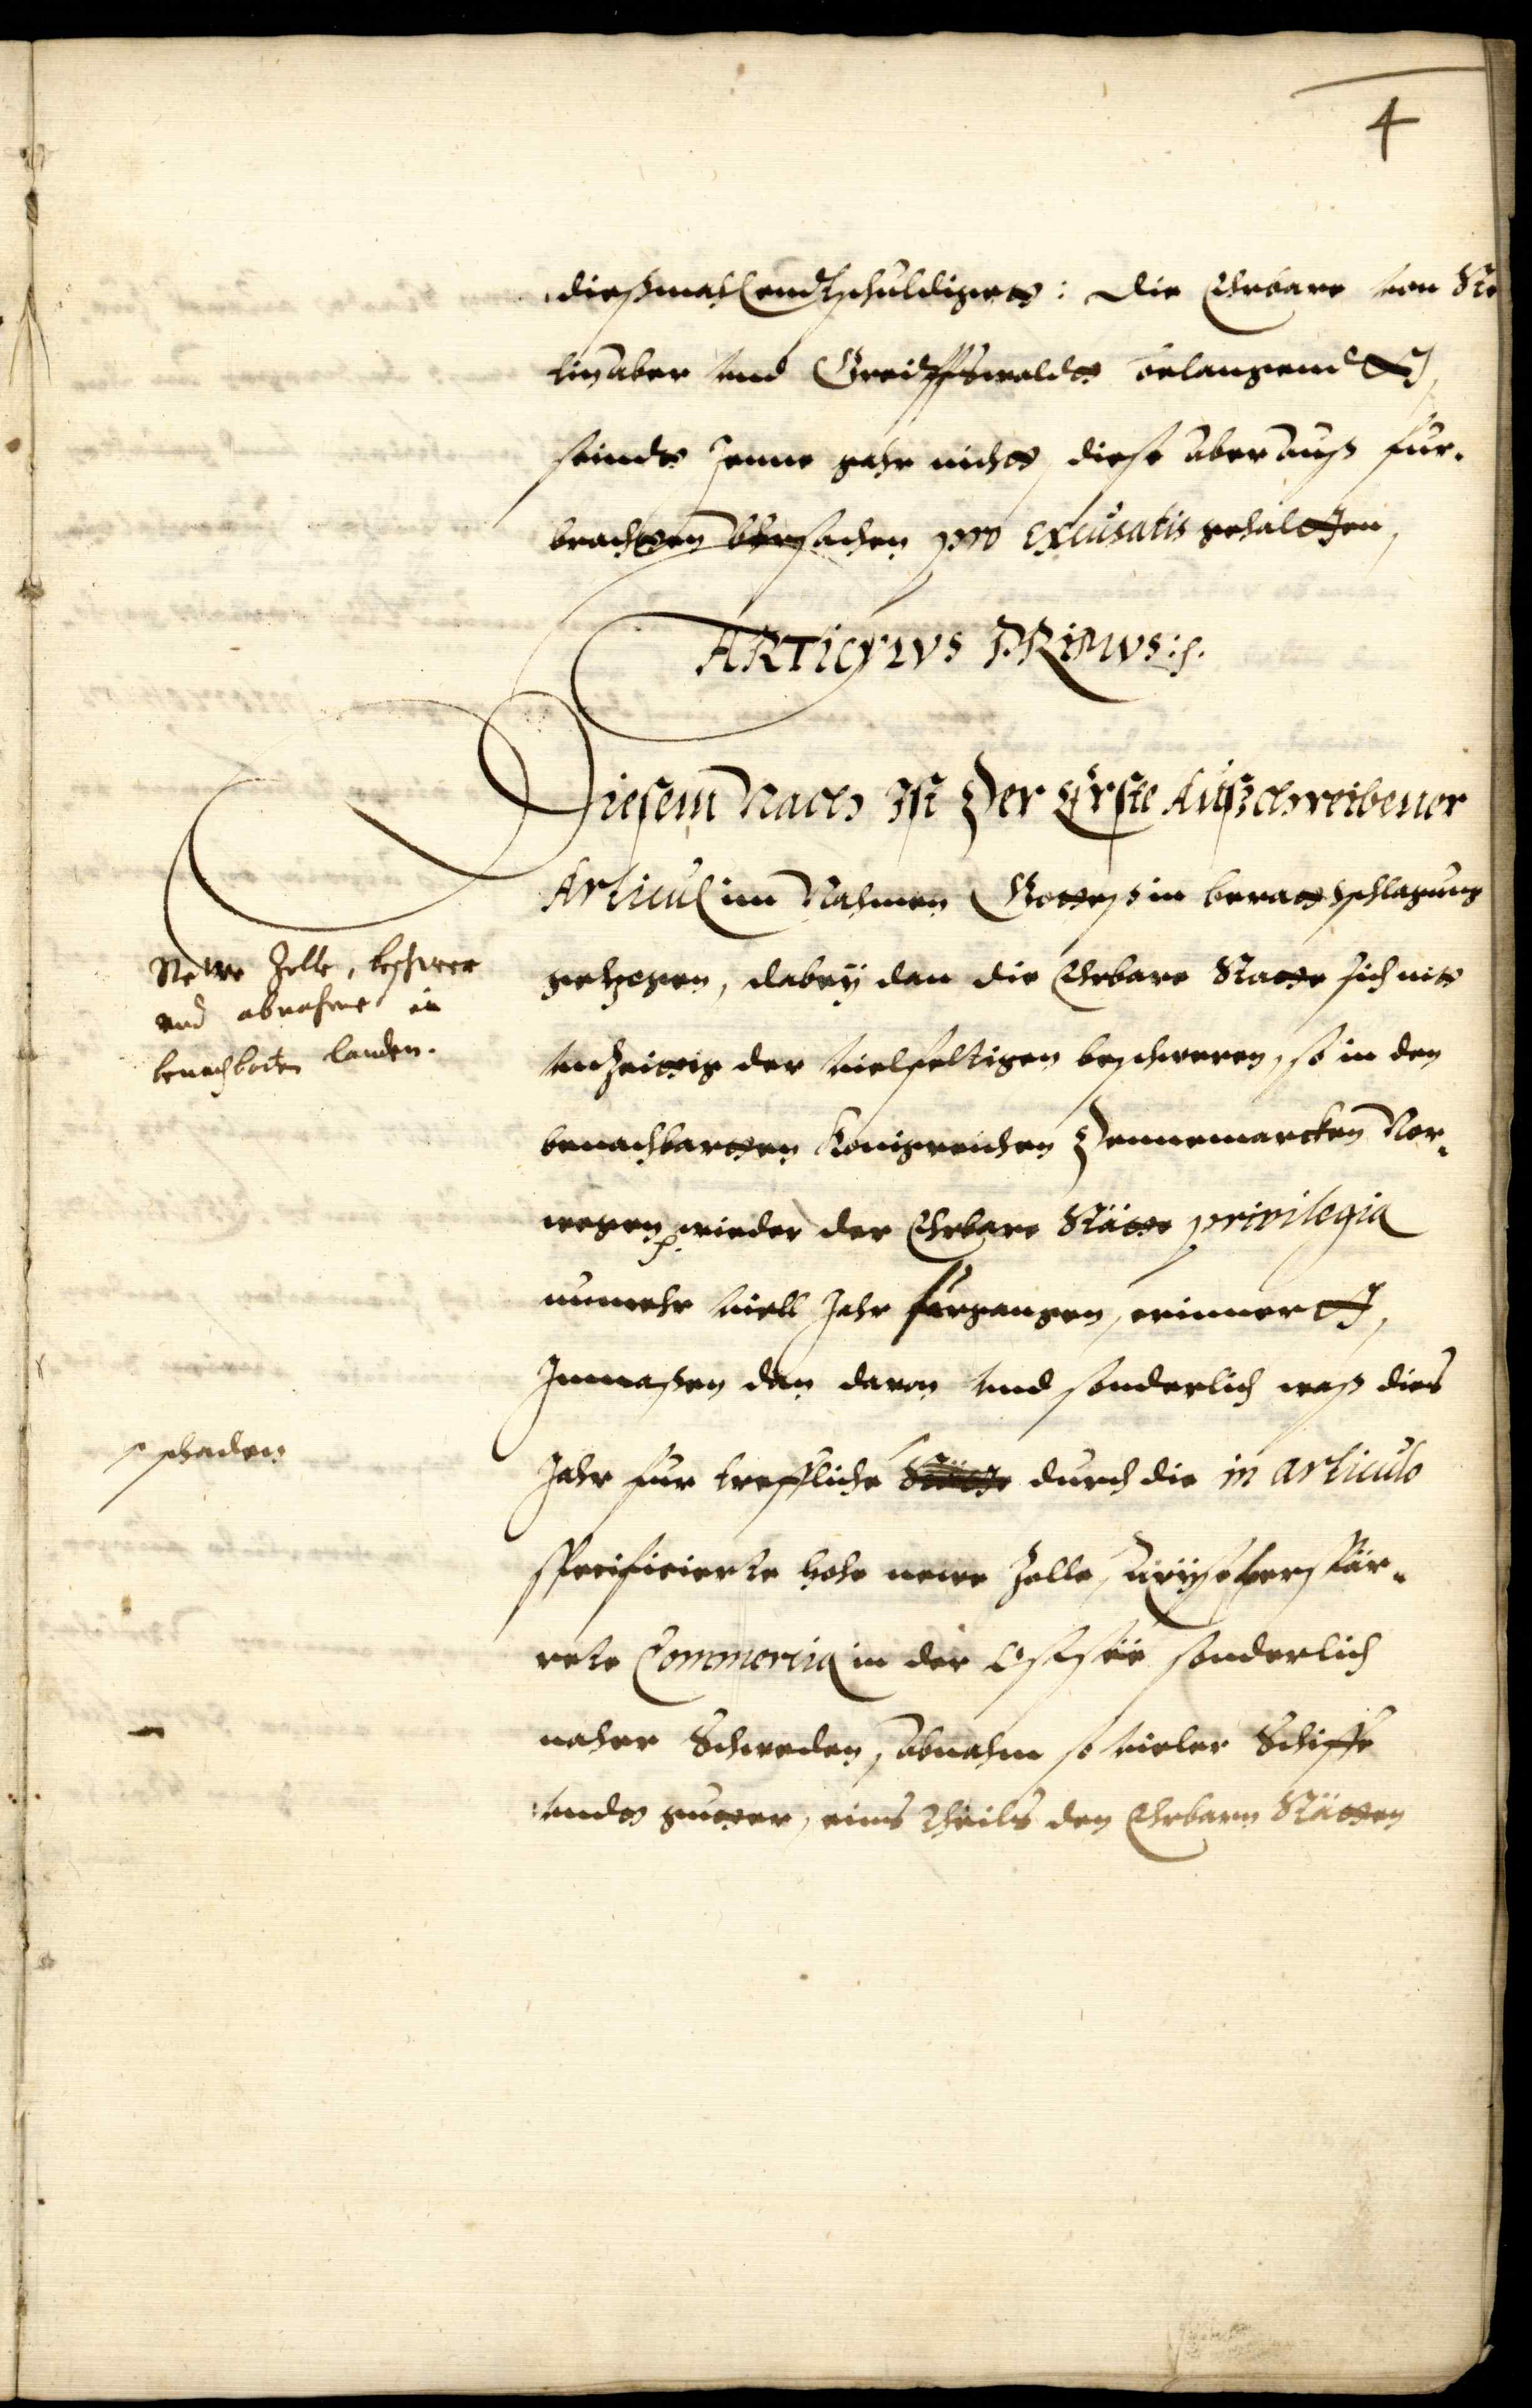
4
dießmahl endtschuldigett: die Ehrbare von Ste¬
tin Aber vnd Greiffswaldtt belangendtt,
seindtt Jenne gahr nichtt diese Aber Auß fur¬
brachtten Vhrsachen pro Excusatis gehaltten,
Newe Zolle, beschwer
vnd abnahme in
benachborten landen.
ARTICVLVS PRIMVS:p.
Diesem Nach Ist Der Erste Ausschreibener
Articul im Nahmen Gotteß in beratthschlagung
getzogen, dabeij dan die Ehrbare Statte sich mitt
vnzeittig der vielfeltigen beschweren, so in den
benachbartten Konigreichen Dennemarcken Nor¬
wegen p. wieder der Ehrbare Stätte privilegia
numehr viell Jahr furgangen, erinnertt,
Inmaßen dan daran vnd sonderlich waß dies
Jahr fur treffliche * Stätte durch die in articulo
specificierten hohe newe Zolle, Axijse verspär¬
rete Commercia in der Ostsee sonderlich
naher Schweden, Abnahm so vieler Schiffe
vndtt gutter, eines theils den Ehrbarn Stätten
* schaden
